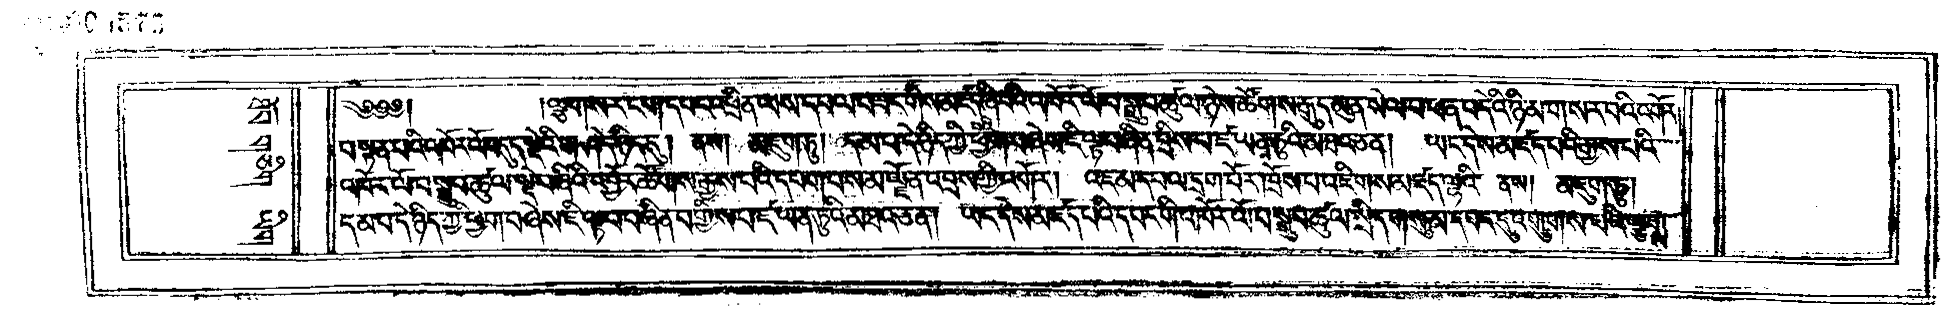༄༅༅། །ལྕགས་ར་ངག་དབང་འཕྲིན་ལས་དཔལ་བཟང་གིས་མཛད་ཞི་བའི་འཁོར་ལོ་བསྒྲུབ་ཚུལ་ཉེས་ཚོགས་རྒུད་མུན་སེལ་བ་ཕན་བདེའི་ཉི་མ་གསར་བའི་འགོར༑
བསྟན་པའི་འཁོར་ལོ་བདུད་སྡེའི་གཤེད་གཉིད་དུ། ནས།  མཇུག་ཏུ། དམ་པ་དེ་ཉིད་ཀྱི་ཕྱག་བཞེས་ཇི་ལྟ་བཞིན་བྲིས་པ་ཛ་ཡན་ཏུའི་མཐའ་ཅན། ཡང་དེས་མཛད་པའི་རྒྱས་པའི་
འཁོར་ལོ་བསྒྲུབ་ཚུལ་སྡེ་བཞིའི་འབྱོར་ཚོགས་རྒྱས་པའི་དཔག་བསམ་ལྗོན་འབྲས་ཀྱི་འགོར། འཇམ་དཔལ་དྲག་པོར་ཁྲོས་པ་འཇིགས་མཛད་ལྷའི་ནས།  མཇུག་ཏུ།
དམ་པ་དེ་ཉིད་ཀྱི་ཕྱག་བཞེས་ཇི་ལྟ་བ་བཞིན་བགྱིས་པ་ཛ་ཡན་ཏུའི་མཐའ་ཅན། ཡང་དེས་མཛད་པའི་དབང་གི་འཁོར་ལོ་བསྒྲུབ་ཚུལ་སྲིད་གསུམ་དབང་དུ་འགུགས་པའི་ལྕགས་